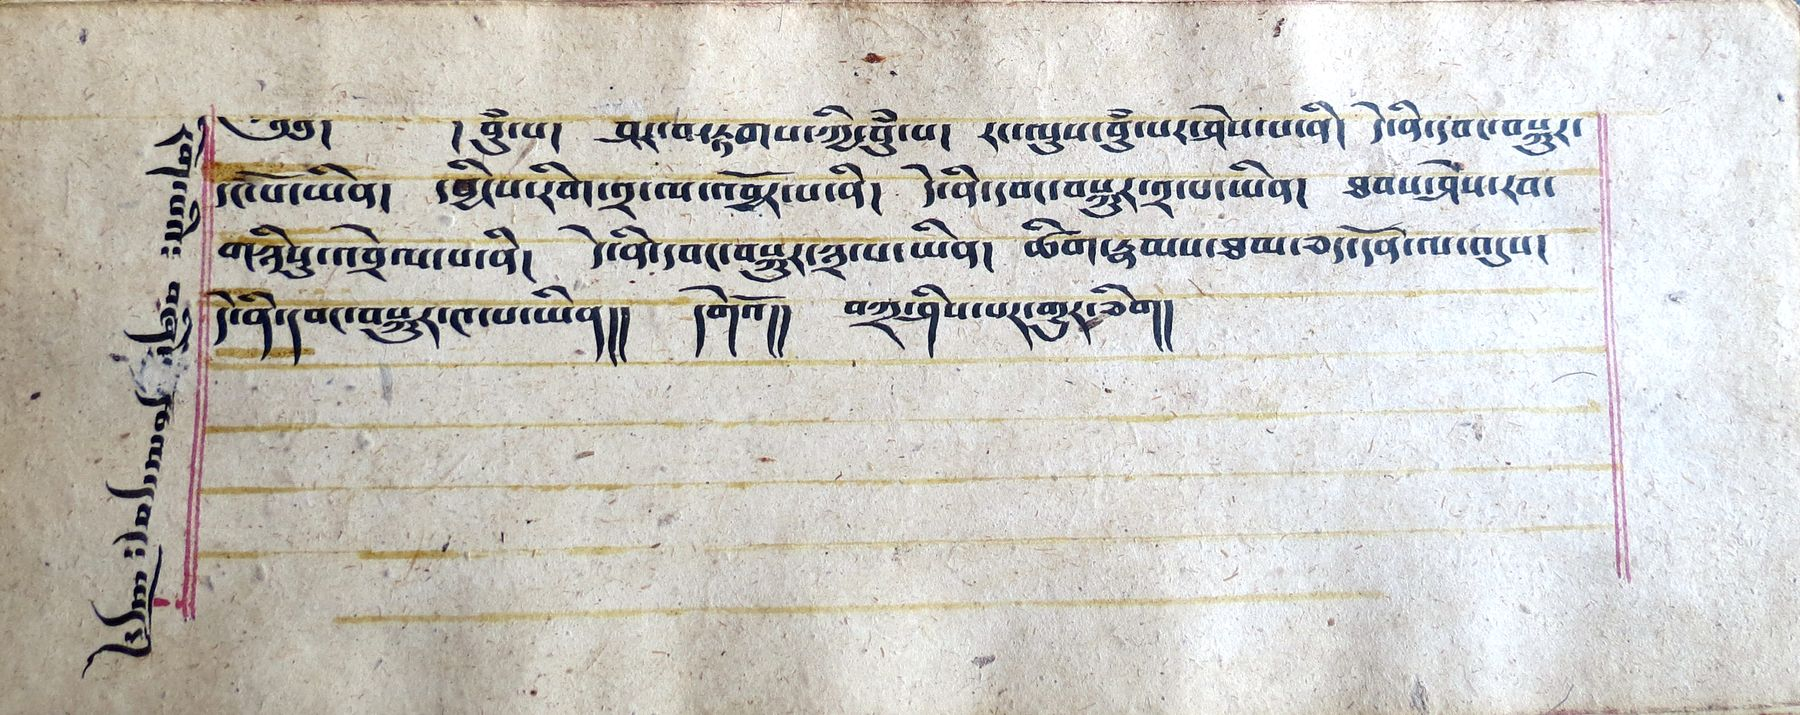བུམ་པ། ཤར་བ་རྟགས་ཀྱི་བུམ་པ། རང་ལུས་བུམ་པར་ཤེས་པ་ནི། དེ་ནི་དབང་བསྐུར་
དང་པོ་ཡིན། དབྱིངས་རིག་གཉིས་ལ་འབྱོར་བ་ནི། དེ་ནི་དབང་བསྐུར་གཉིས་པ་ཡིན། ཐབས་ཤེས་རབ་
གཉིས་སུ་འབྲེལ་བ་ནི། དེ་ནི་དབང་བསྐུར་གསུམ་པ་ཡིན། ཚིག་རྣམས་ཐམས་ཅད་དོན་ལ་འདུས། 
དེ་ནི་དབང་བསྐུར་བཞི་་པ་ཡིན། །དགེའོ། །བཀྲ་ཤིས་པར་གྱུར་ཅིག། །།